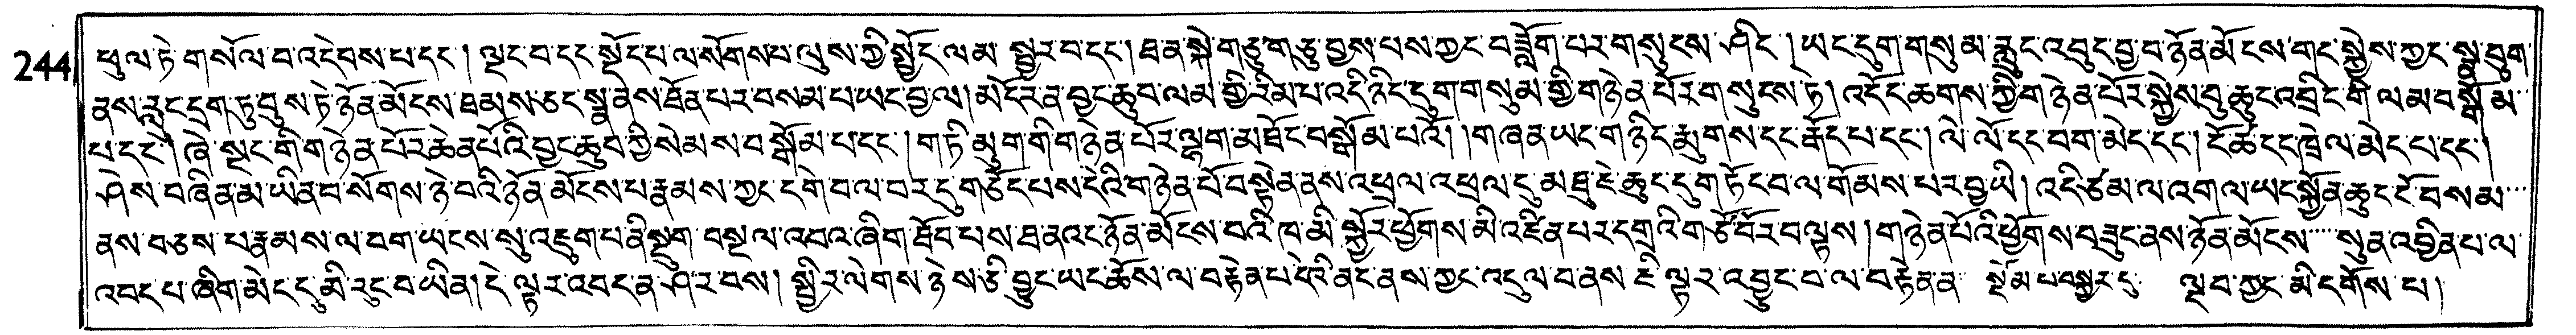ཕུལ་ཏེ་གསོལ་བ་འདེབས་པ་དང་། ལྡང་བ་དང་སྡོང་པ་ལ་སོགས་པ་ལུས་ཀྱི་སྤྱོད་ལམ་སྦྱར་བ་དང་། ཐ་ན་སྐེ་གཅུ་གཅུ་བྱས་པས་ཀྱང་བཟློག་པར་གསུངས་ཤིང་། ཡང་དུག་གསུམ་རླུང་འབུང་བྱ་བ་ཉོན་མོངས་གང་སྐྱེས་ཀྱང་སྣ་བུག་
ནས་རླུང་དྲག་ཏུ་བུས་ཏེ་ཉོན་མོངས་ཐམས་ཅད་སྣ་ནས་ཐོན་པར་བསམ་པ་ཡང་བྱ་ལ། མདོར་ན་བྱང་ཆུབ་ལམ་གྱི་རིམ་པ་འདི་ཉིད་དུག་གསུམ་གྱི་གཉེན་པོར་གསུངས་ཏེ། འདོད་ཆགས་ཀྱི་གཉེན་པོར་སྐྱེས་བུ་ཆུང་འབྲིང་གི་ལམ་བསྒོམ་
པ་དང་། ཞེ་སྡང་གི་གཉེན་པོར་ཆེན་པོའི་བྱང་ཆུབ་ཀྱི་སེམས་བསྒོམ་པ་དང་། གཏི་མུག་གི་གཉེན་པོར་ལྷག་མཐོང་བསྒོམ་པའོ། །གཞན་ཡང་གཉིད་རྨུགས་དང་རྒོད་པ་དང་། ལེ་ལོ་དང་བག་མེད་དང་། ངོ་ཚ་དང་ཁྲེལ་མེད་པ་དང་།
ཤེས་བཞིན་མ་ཡིན་པ་སོགས་ཉེ་བའི་ཉོན་མོངས་པ་རྣམས་ཀྱང་དགེ་བ་ལ་བར་དུ་གཅོད་པས་དེའི་གཉེན་པོ་བསྟེན་ནས་འཕྲལ་འཕྲལ་དུ་མཐུ་ཇེ་ཆུང་དུ་གཏོང་བ་ལ་གོམས་པར་བྱ་ཡི། འདི་ཙམ་ལ་འགལ་ཡང་སྐྱོན་ཆུང་ངོ་བསམ་
ནས་བཅས་པ་རྣམས་ལ་བག་ཡངས་སུ་འཇུག་པ་ནི་སྡུག་བསྔལ་འབའ་ཞིག་ཐོབ་པས་ཐ་ནའང་ཉོན་མོངས་པའི་ཁ་མི་སྐྱོར་ཕྱོགས་མི་འཛིན་པར་དགྲའི་གཙོ་བོར་བལྟས། གཉེན་པོའི་ཕྱོགས་བཟུང་ནས་ཉོན་མོངས་སུན་འབྱིན་པ་ལ་
འབད་པ་ཞིག་མེད་དུ་མི་རུང་བ་ཡིན། དེ་ལྟར་འབད་ན་ཤར་བས། སྤྱིར་ལེགས་ཉེས་ཅི་བྱུང་ཡང་ཆོས་ལ་བརྟེན་པ་དེའི་ནང་ནས་ཀྱང་འདུལ་བ་ནས་ཇི་ལྟར་འབྱུང་བ་ལ་བརྟེན་ན་སྡོམ་པ་བསྐྱར་དུ་ལྔབ་ཀྱང་མི་དགོས་པ།